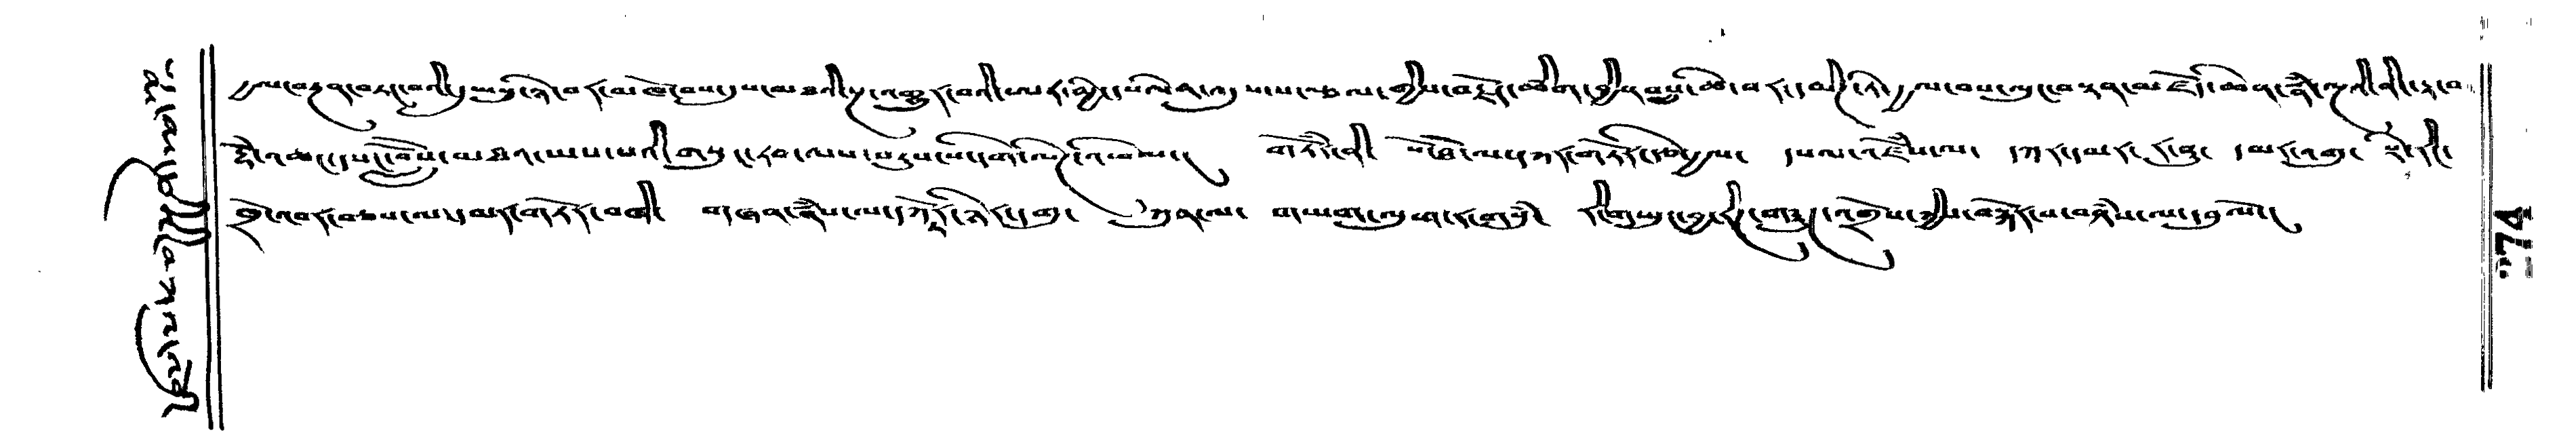རྒྱལ་བརྔན་གཏོང་བའི་དུས་སུ་ཉེ་བར་མཁོ་བས་རྐྱེན་བྱས་དུས་མཐའི་སྔ་འགྱུར་བའི་ཨ་མྱེ་དཔལ་ཆེན་འདུས་པ་རྩལ་གྱིས་བརྗོད་ཚིག་བྱིན་རླབས་ཚེ་བར་དམིགས་ཏེ། རྒྱལ་བས་ལུང་བསྟན་མཛོད་ཆེན་རྣམ་ལྔའི་ཤིང་རྟ་བ་
རྡོ་རྗེ་འཆང་དབང་བློ་གྲོས་མཐའ་ཡས་པའི་གསུང་རབ་ལས་བསྡུས་པ་དགེ་ལེགས་འཕེལ།། གཏོར་མ་ནི། སོ་ཐོ་ལ་དཀར་གཏོར་རྩེ་རྒྱལ། དཔལ་འཛམ་ལ་དཀར་དམར། ར་ནུ། དམར་འགུ། སྡེ་རིང་། 
ཁྲོ་འབར་བཅས་ལ་དམར་གཏོར་བཞི། གཞན་རྣམས་ལ་དཀར་གཏོར་ཉེར་དགུ། ཀུན་ལ་གཡག་ལུག་ར་གསུམ། རི་གཡུང་། བྱ་རིགས། གཟུགས་འགྲོས་ཀྱིས་བསྐོར་བ་བཤམས་ལ་དབུལ་ལོ།། དགེའོ།།